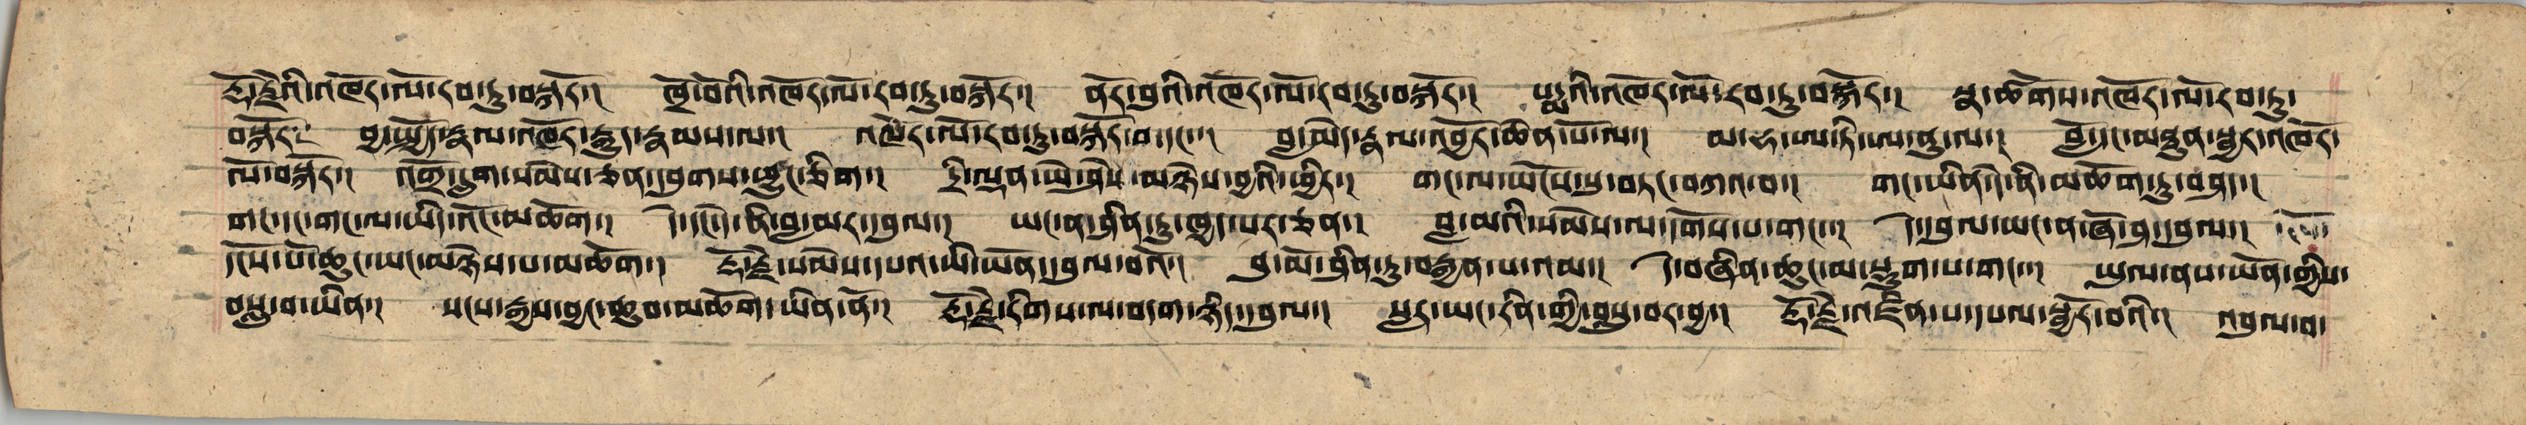རྡོ་རྗེ་འཁོར་ལོ་རབ་ཏུ་བསྐོར་། ཁྲོ་བོའི་འཁོར་ལོ་རབ་ཏུ་བསྐོར་། ནོར་བུའི་འཁོར་ལོ་རབ་ཏུ་བསྐོར་། པདྨའི་འཁོར་ལོ་རབ་ཏུ་བསྐོར་། སྣ་ཚོགས་འཁོར་ལོ་རབ་ཏུ་
བསྐོར༑ བྱ་སྤྱོད་རྣལ་འབྱོར་རྒྱུད་རྣམས་ལ་། འཁོར་ལོ་རབ་ཏུ་བསྐོར་བ་དང་་། བླ་མེད་རྣལ་འབྱོར་ཆེན་པོ་ལ་། མ་ཧ་ཨ་ཏི་ཨ་ནུ་ལ་། བློ་དང་མཐུན་སྦྱར་འཁོར་
ལོ་བསྐོར་། འགྲོ་དྲུག་སེམས་ཅན་དབུགས་ཕྱུང་ཅིག་། དྲི་ལྡན་ཡེ་ཤེས་མཉེས་བྱའི་ཕྱིར་། གང་ལ་ཡོངས་སུ་བཏང་བཀའ་བ་། གང་ཡིན་དེ་ནི་མཆོག་ཏུ་བཤད་།
གང་དང་གང་ལ་ཡིད་འོང་མཆོག་། དེ་དང་དེ་ནི་བླ་་མར་དབུལ་། ཡང་ན་ཤིན་ཏུ་ཁྱད་པར་ཅན་། བླ་མའི་སེམས་ལ་དགོས་པ་གང་་། དེ་དབུལ་ཡང་ན་ཞོ་ཤ་དབུལ་།
དངོས་པོ་ཆུང་ཡང་མཉེས་པ་མཆོག་། རྡོ་རྗེ་སེམས་དཔའ་ཡི་ཡོན་དབུལ་བའོ་། བུ་མོ་ཤིན་ཏུ་བརྒྱན་པ་འམ་། དེ་བཞིན་ཆུང་མ་སྡུག་པ་གང་་། ཡུལ་ནས་ཡོན་གྱིས་
བསླུ་བ་ཡིན་། སངས་རྒྱས་བྱང་ཆུབ་མཆོག་ཡིན་ནོ་། རྡོ་རྗེ་རིགས་ལ་བདག་ཉིད་དབུལ་། སླར་ཡང་རིན་གྱི་བསླུ་བར་བྱ་། རྡོ་རྗེ་འཛིན་པ་དཔལ་སྦྱོར་བའི་། འབུལ་བ་